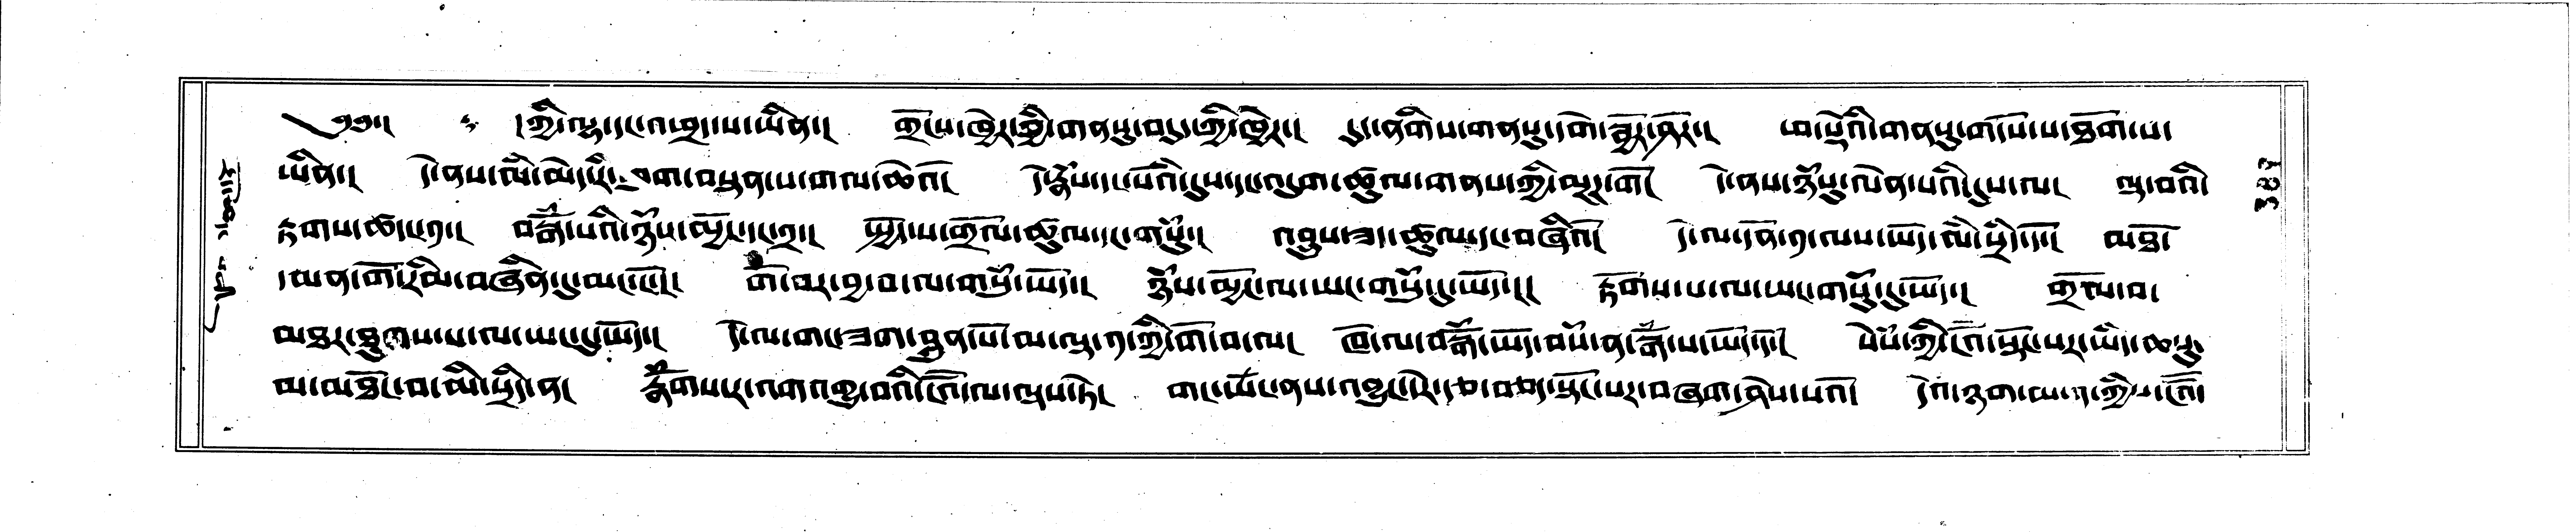ཡུལ་དུ་ལྷ་དང་འཕྲད། གྲོང་ཁྱེར་གྱིས་གནས་སུ་བདུད་ཀྱིས་འཁྱེར། དུད་ནག་གིས་གསེབ་དུ་དགེ་སྦྱོར་ཤོར། ཕ་སྡེའི་ནང་དུ་གདོས་ལ་ཐོག་པ་
ཡིན། དེ་ནས་མི་མེད་རི་ཕུག་བསྟན་པ་གལ་ཆེའོ། དེ་རྣམས་དང་པོ་དུས་སུ། འདུག་ཚུལ་གནས་ཀྱི་མེན་ངག་གོ ད་ཉམས་སུ་ལེན་པའི་དུས་ལ། ལྟ་བའི་
རྟོགས་ཚད་དང་གཅིག སྒོམ་པའི་ཉམས་མྱོང་དང་གཉིས། སྤྱོད་པའི་གྲོལ་ཚུལ་དང་གསུམ། འབྲས་བུའི་ཟད་ཚུལ་དང་བཞིའོ། དེ་ལ་དོན་ཅིག་བེས་ཡོད་མི་སྲིད་སྟེ། མཐོ་
དམན་གོ་རིམ་ཤིན་དུ་མང་ངོ་། གོ་བ་བྱ་བ་ལ་ཡང་གསུམ་དུ་ཡོད། ཉམས་མྱོང་ལ་ཡང་གསུམ་དུ་ཡོད། རྟོགས་པ་ལ་ཡང་གསུམ་དུ་ཡོད། གྲོལ་བ་
མཐར་ཐུག་ལ་ཡང་གསུམ་དུ་ཡོད། དེ་ལ་གང་ཟག་བླུན་པོ་མ་ཏ་ཅིག་གོ་བ་ལ། ཁོ་ལ་སྒོམ་ཡོད་བསམ་ནས་སྒོམ་པ་ཡང་ཡོད་དོ། སེམས་ཀྱི་ངོའོ་སྟོང་པར་ཡིད་ཆེས་སུ་
མཐོང་ནས། རྣམ་རྟོག་རེས་གྷའ་(འགའ)འགྱུ་བའི་ངོའོ་ལ་ལྟ་སྟེ། གང་ནས་བྱུང་ད་རེ་རྩད་བཅད་དེ། སྟོང་པར་བཞག་མ་ཤེས་པའོ། དེའི་གཉའ་མ་ཅིག་གིས་ངོའོ་